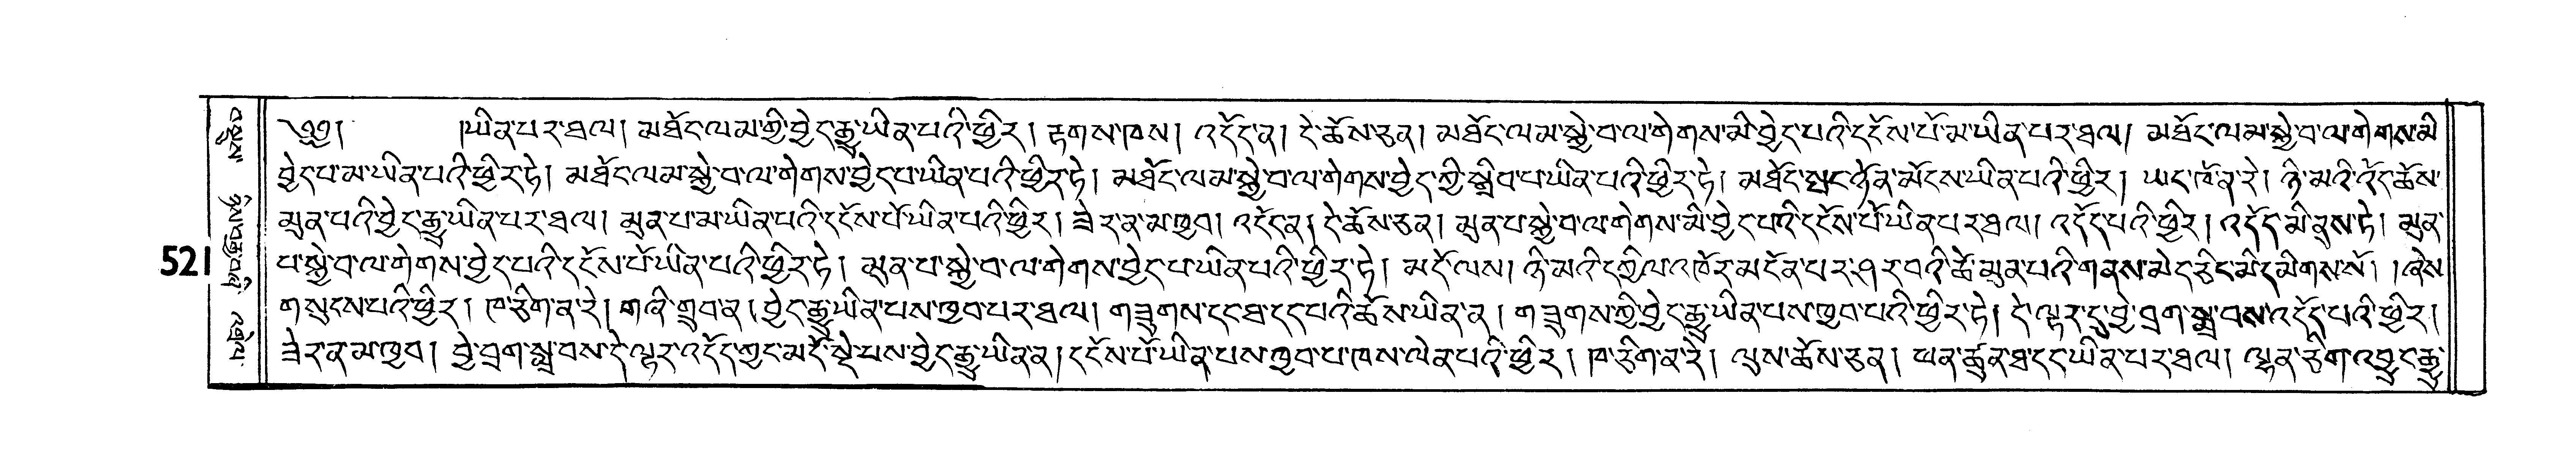༄༅། །ཡིན་པར་ཐལ། མཐོང་ལམ་གྱི་བྱེད་རྒྱུ་ཡིན་པའི་ཕྱིར། རྟགས་ཁས། འདོད་ན། དེ་ཆོས་ཅན། མཐོང་ལམ་སྐྱེ་བ་ལ་གེགས་མི་བྱེད་པའི་དངོས་པོ་མ་ཡིན་པར་ཐལ། མཐོང་ལམ་སྐྱེ་བ་ལ་གེགས་མི་
བྱེད་པ་མ་ཡིན་པའི་ཕྱིར་ཏེ། མཐོང་ལམ་སྐྱེ་བ་ལ་གེགས་བྱེད་པ་ཡིན་པའི་ཕྱིར་ཏེ། མཐོང་ལམ་སྐྱེ་བ་ལ་གེགས་བྱེད་ཀྱི་སྒྲིབ་པ་ཡིན་པའི་ཕྱིར་ཏེ། མཐོང་སྤང་ཉོན་མོངས་ཡིན་པའི་ཕྱིར། ཡང་ཁོ་ན་རེ། ཉི་མའི་འོད་ཆོས་
མུན་པའི་བྱེད་རྒྱུ་ཡིན་པར་ཐལ། མུན་པ་མ་ཡིན་པའི་དངོས་པོ་ཡིན་པའི་ཕྱིར། ཟེར་ན་མ་ཁྱབ། འདོད་ན། དེ་ཆོས་ཅན། མུན་པ་སྐྱེ་བ་ལ་གེགས་མི་བྱེད་པའི་དངོས་པོ་ཡིན་པར་ཐལ། འདོད་པའི་ཕྱིར། འདོད་མི་ནུས་ཏེ། མུན་
པ་སྐྱེ་བ་ལ་གེགས་བྱེད་པའི་དངོས་པོ་ཡིན་པའི་ཕྱིར་ཏེ། མུན་པ་སྐྱེ་བ་ལ་གེགས་བྱེད་པ་ཡིན་པའི་ཕྱིར་ཏེ། མདོ་ལས། ཉི་མའི་དཀྱིལ་འཁོར་མངོན་པར་ཤར་བའི་ཚེ་མུན་པའི་གནས་མེད་ཅིང་མི་དམིགས་སོ། །ཞེས་
གསུངས་པའི་ཕྱིར། ཁ་ཅིག་ན་རེ། གཞི་གྲུབ་ན། བྱེད་རྒྱུ་ཡིན་པས་ཁྱབ་པར་ཐལ། གཟུགས་དང་ཐ་དད་པའི་ཆོས་ཡིན་ན། གཟུགས་ཀྱི་བྱེད་རྒྱུ་ཡིན་པས་ཁྱབ་པའི་ཕྱིར་ཏེ། དེ་ལྟར་དུ་བྱེ་བྲག་སྨྲ་བས་འདོད་པའི་ཕྱིར།
ཟེར་ན་མ་ཁྱབ། བྱེ་བྲག་སྨྲ་བས་དེ་ལྟར་འདོད་ཀྱང་མདོ་སྡེ་པས་བྱེད་རྒྱུ་ཡིན་ན། དངོས་པོ་ཡིན་པས་ཁྱབ་པ་ཁས་ལེན་པའི་ཕྱིར། ཁ་ཅིག་ན་རེ། ལུས་ཆོས་ཅན། ཕན་ཚུན་ཐ་དད་ཡིན་པར་ཐལ། ལྷན་ཅིག་འབྱུང་རྒྱུ་